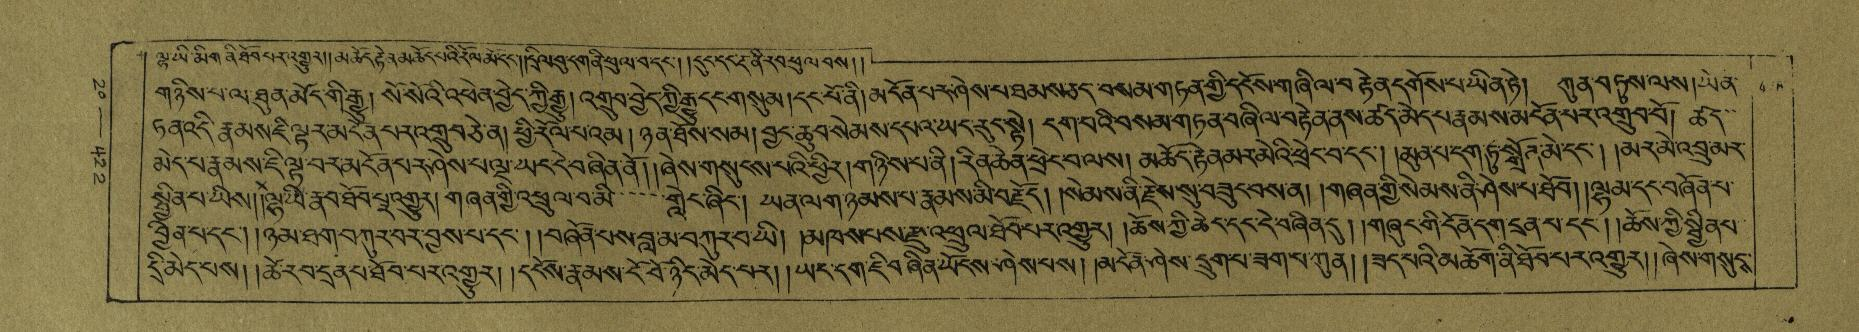ལྷ་ཡི་མིག་ནི་ཐོབ་པར་འགྱུར། །མཆོད་རྟེན་མཆོད་པའི་རོལ་མོ་དང་། །དྲིལ་བུ་དག་ནི་ཕུལ་བ་དང་། །དུང་དང་རྡ་ནི་རབ་ཕུལ་བས།།
གཉིས་པ་ལ་ཐུན་མོང་གི་རྒྱུ། སོ་སོའི་ཕེན་བྱེད་ཀྱི་རྒྱུ། འགྲུབ་བྱེད་ཀྱི་རྒྱུ་དང་གསུམ། དང་པོ་ནི། མངོན་པར་ཤེས་པ་ཐམས་ཅད་བསམ་གཏན་གྱི་དངོས་གཞི་ལ་བརྟེན་དགོས་པ་ཡིན་ཏེ། ཀུན་བཏུས་ལས། ཡོན་
ཏན་འདི་རྣམས་ཇི་ལྟར་མངོན་པར་འགྲུབ་ཅེ་ན། ཕྱི་རོལ་པའམ། ཉན་ཐོས་སམ། བྱང་ཆུབ་སེམས་དཔའ་ཡང་རུང་སྟེ། དག་པའི་བསམ་གཏན་བཞི་ལ་བརྟེན་ནས་ཚད་མེད་པ་རྣམས་མངོན་པར་འགྲུབ་བོ། ཚད་
མེད་པ་རྣམས་ཇི་ལྟ་བར་མངོན་པར་ཤེས་པ་ལྔ་ཡང་དེ་བཞིན་ནོ། །ཞེས་གསུངས་པའི་ཕྱིར། གཉིས་པ་ནི། རིན་ཆེན་ཕྲེང་བ་ལས། མཆོད་རྟེན་མར་མེའི་ཕྲེང་བ་དང་། མུན་པ་དག་ཏུ་སྒྲོན་མེ་དང་། །མར་མེ་འབྲུ་མར་
སྦྱིན་པ་ཡིས། །ལྷ་ཡི་རྣ་བ་ཐོབ་པར་འགྱུར། གཞན་གྱི་འཕྲུལ་བ་མི་གླེང་ཞིང་། ཡན་ལག་ཉམས་པ་རྣམས་མི་བརྗོད། །སེམས་ནི་རྗེས་སུ་བཟུང་བས་ན། །གཞན་གྱི་སེམས་ནི་ཤེས་པ་ཐོབ། །ལྷ་མ་དང་བཞོན་པ་
བྱིན་པ་དང་། །ཉམ་ཐག་བཀུར་བར་བྱས་པ་དང་། །བཞོན་པས་བླ་མ་བཀུར་བ་ཡི། །མཁས་པས་རྫུ་འཕྲུལ་ཐོབ་པར་འགྱུར། །ཆོས་ཀྱི་ཆེད་དང་དེ་བཞིན་དུ། །གཞུང་གི་དོན་དག་དྲན་པ་དང་། །ཆོས་ཀྱི་སྦྱིན་པ་
དྲི་མེད་པས། །ཚེ་རབ་དྲན་པ་ཐོབ་པར་འགྱུར། །དངོས་རྣམས་ངོ་བོ་ཉིད་མེད་པར། །ཡང་དག་ཇི་བཞིན་ཡོངས་ཤེས་པས། །མངོན་ཤེས་དྲུག་པ་ཟག་པ་ཀུན། །ཟད་པའི་མཆོག་ནི་ཐོབ་པར་འགྱུར། །ཞེས་གསུངས་